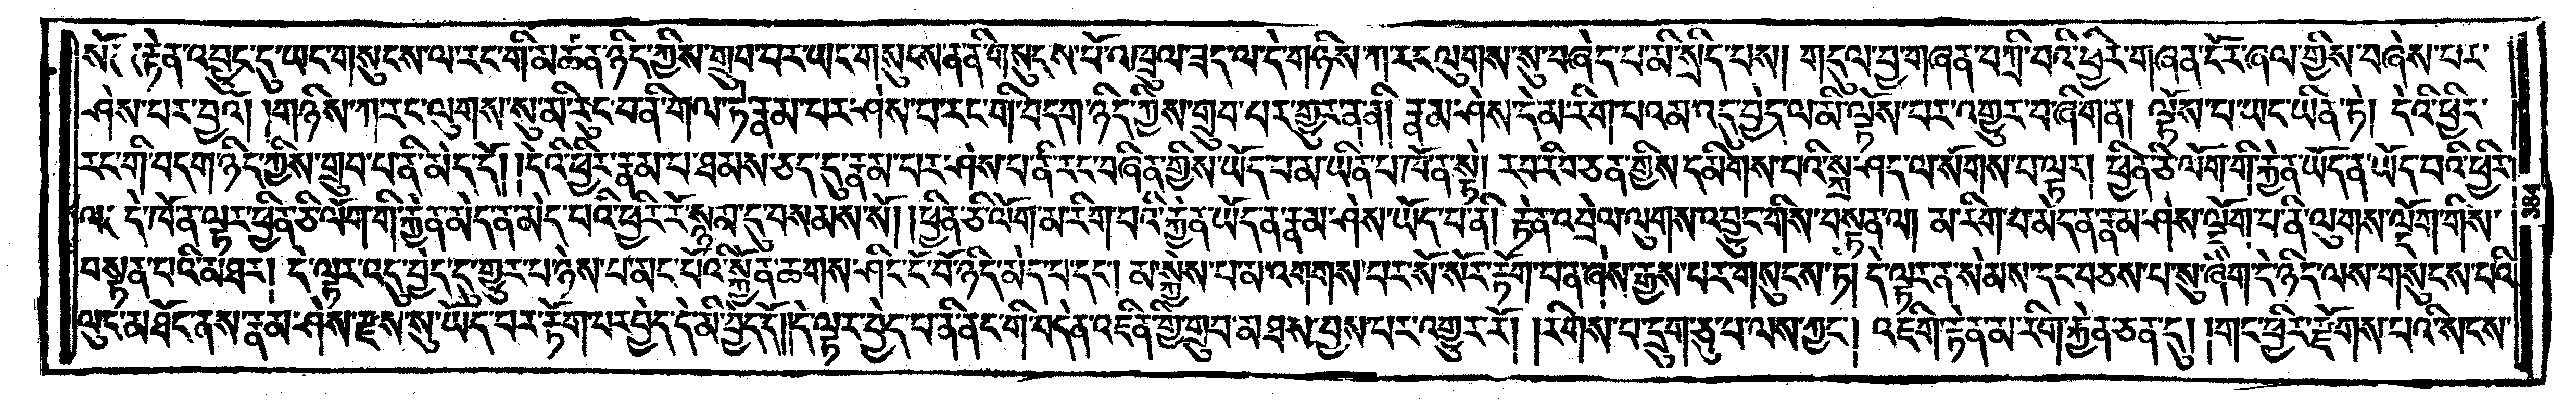སོ༑ ༑རྟེན་འབྱུང་དུ་ཡང་གསུངས་ལ་རང་གི་མཚན་ཉིད་ཀྱིས་གྲུབ་པར་ཡང་གསུངས་ན་ནི་གསུང་བ་པོ་འཁྲུལ་ཟད་ལ་དེ་གཉིས་ཀ་རང་ལུགས་སུ་བཞེད་པ་མི་སྲིད་པས། གདུལ་བྱ་གཞན་བཀྲི་པའི་ཕྱིར་གཞན་ངོར་ཞལ་གྱིས་བཞེས་པར་
ཤེས་པར་བྱའོ། །གཉིས་ཀ་རང་ལུགས་སུ་མི་རུང་བ་ནི་གལ་ཏེ་རྣམ་པར་ཤེས་པ་རང་གི་བདག་ཉིད་ཀྱིས་གྲུབ་པར་གྱུར་ན་ནི། རྣམ་ཤེས་དེ་མ་རིག་པའམ་འདུ་བྱེད་ལ་མི་ལྟོས་པར་འགྱུར་བ་ཞིག་ན། ལྟོས་པ་ཡང་ཡིན་ཏེ། དེའི་ཕྱིར་
རང་གི་བདག་ཉིད་ཀྱིས་གྲུབ་པ་ནི་མེད་དོ། །དེའི་ཕྱིར་རྣམ་པ་ཐམས་ཅད་དུ་རྣམ་པར་ཤེས་པ་ནི་རང་བཞིན་གྱིས་ཡོད་པ་མ་ཡིན་པ་ཁོ་ན་སྟེ། རབ་རིབ་ཅན་གྱིས་དམིགས་པའི་སྐྲ་ཤད་ལ་སོགས་པ་ལྟར། ཕྱིན་ཅི་ལོག་གི་རྐྱེན་ཡོད་ན་ཡོད་པའི་ཕྱིར་
ལ༑ དེ་ཁོ་ན་ལྟར་ཕྱིན་ཅི་ལོག་གི་རྐྱེན་མེད་ན་མེད་པའི་ཕྱིར་རོ་སྙམ་དུ་བསམས་སོ། །ཕྱིན་ཅི་ལོག་མ་རིག་པའི་རྐྱེན་ཡོད་ན་རྣམ་ཤེས་ཡོད་པ་ནི། རྟེན་འབྲེལ་ལུགས་འབྱུང་གིས་བསྟན་ལ། མ་རིག་པ་མེད་ན་རྣམ་ཤེས་ལྡོག་པ་ནི་ལུགས་ལྡོག་གིས་
བསྟན་པའི་མཐར། དེ་ལྟར་འདུ་བྱེད་དུ་གྱུར་པ་ཉེས་པ་མང་པོའི་སྐྱོན་ཆགས་ཤིང་ངོ་བོ་ཉིད་མེད་པ་དང་། མ་སྐྱེས་པ་མ་འགགས་པར་སོ་སོར་རྟོག་པ་ན་ཞེས་རྒྱས་པར་གསུངས་ཏེ། དེ་ལྟར་ན་སེམས་དང་བཅས་པ་སུ་ཞིག་དེ་ཉིད་ལས་གསུངས་པའི་
ལུང་མཐོང་ནས་རྣམ་ཤེས་རྫས་སུ་ཡོད་པར་རྟོག་པར་བྱེད་དེ་མི་བྱེད་དོ། །དེ་ལྟར་བྱེད་པ་ནི་ནང་གི་བདེན་འཛིན་གྱི་གྲུབ་མཐས་བྱས་པར་འགྱུར་རོ། །རིགས་པ་དྲུག་ཅུ་པ་ལས་ཀྱང་། འཇིག་རྟེན་མ་རིག་རྐྱེན་ཅན་དུ། །གང་ཕྱིར་རྫོགས་པའི་སངས་